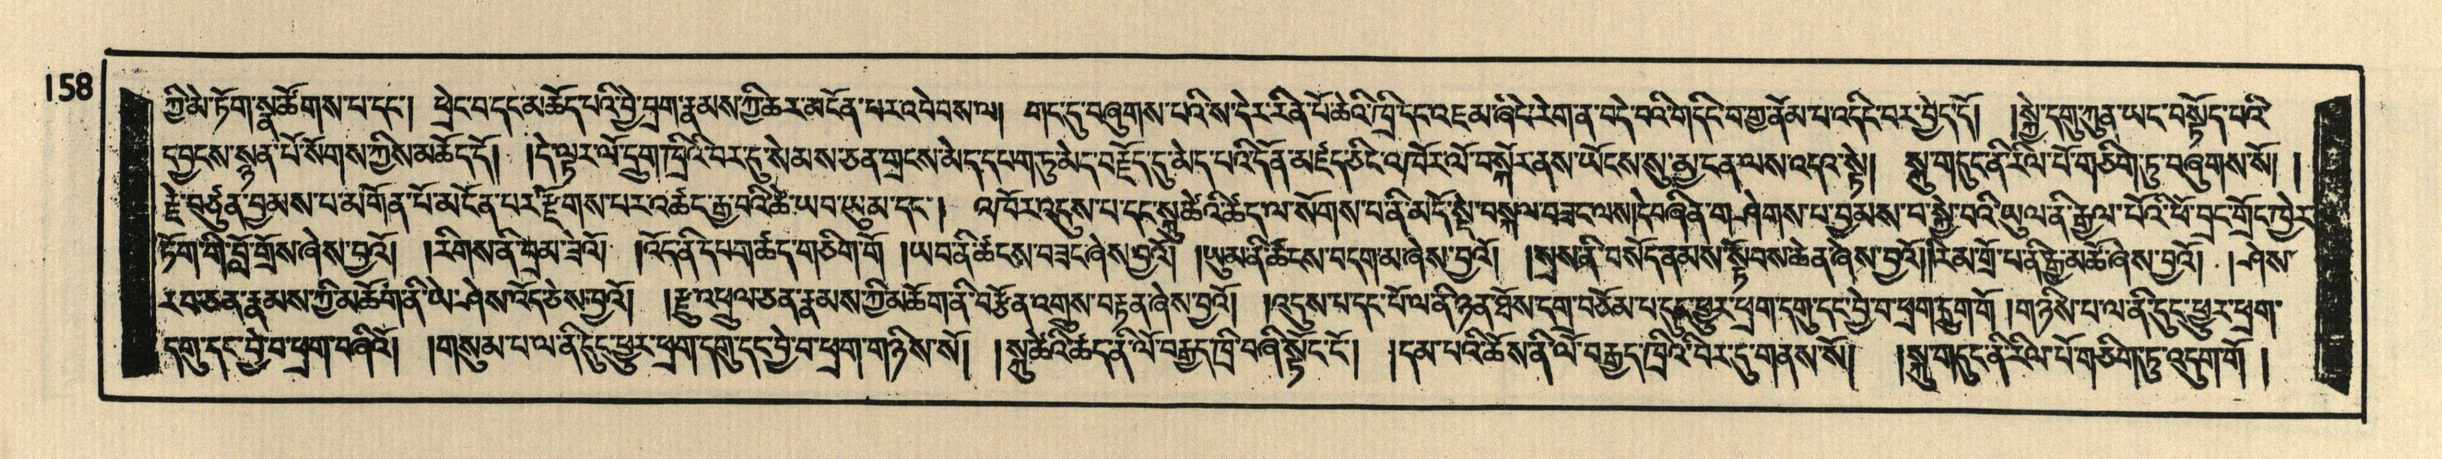ཀྱི་མེ་ཏོག་སྣ་ཚོགས་པ་དང་། ཕྲེང་བ་དང་མཆོད་པའི་བྱེ་བྲག་རྣམས་ཀྱི་ཆར་མངོན་པར་འབེབས་ལ། གང་དུ་བཞུགས་པའི་ས་དེར་རིན་པོ་ཆེའི་ཁྲི་དང་འཇམ་ཞིང་རེག་ན་བདེ་བའི་གདིང་བ་རྒྱ་ནོམ་པ་འདིང་བར་བྱེད་དོ། །སྐྱེ་དགུ་ཀུན་ཡང་བསྟོད་པའི་
དབྱངས་སྙན་པོ་སོགས་ཀྱིས་མཆོད་དོ། །དེ་ལྟར་ལོ་དྲུག་ཁྲིའི་བར་དུ་སེམས་ཅན་གྲངས་མེད་དཔག་ཏུ་མེད་བརྗོད་དུ་མེད་པའི་དོན་མཛད་ཅིང་འཁོར་ལོ་བསྐོར་ནས་ཡོངས་སུ་མྱ་ངན་ལས་འདའ་སྟེ། སྐུ་གདུང་ནི་རིལ་པོ་གཅིག་ཏུ་བཞུགས་སོ། །
རྗེ་བཙུན་བྱམས་པ་མགོན་པོ་མངོན་པར་རྫོགས་པར་འཚང་རྒྱ་བའི་ཚེ་ཡབ་ཡུམ་དང་། འཁོར་འདུས་པ་དང་སྐུ་ཚེའི་ཚིད་ལ་སོགས་པ་ནི་མདོ་སྡེ་བསྐལ་བཟང་ལས། དེ་བཞིན་གཤེགས་པ་བྱམས་བ་སྐྱེ་བའི་ཡུལ་ནི་རྒྱལ་པོའི་ཕོ་བྲང་གྲོང་ཁྱེར་
ཏོག་གི་བློ་གྲོས་ཞེས་བྱའོ། །རིགས་ནི་བྲམ་ཟེའོ། །འོད་ནི་དཔག་ཚད་གཅིག་གོ །ཡབ་ནི་ཚངས་བཟང་ཞེས་བྱའོ། །ཡུམ་ནི་ཚངས་བདག་མ་ཞེས་བྱའོ། །སྲས་ནི་བསོད་ནམས་སྟོབས་ཆེན་ཞེས་བྱའོ། །རིམ་གྲོ་པ་ནི་རྒྱ་མཚོ་ཞེས་བྱའོ། །ཤེས་
རབ་ཅན་རྣམས་ཀྱི་མཆོག་ནི་ཡེ་ཤེས་འོད་ཅེས་བྱའོ། །རྫུ་འཕྲུལ་ཅན་རྣམས་ཀྱི་མཆོག་ནི་བརྩོན་འགྲུས་བརྟན་ཞེས་བྱའོ། །འདུས་པ་དང་པོ་ལ་ནི་ཉན་ཐོ་དག་བཅོམ་པ་དུད་ཕྱུར་ཕྲག་དགུ་དང་བྱེ་བ་ཕྲག་དྲུག་གོ །གཉིས་པ་ལ་ནི་དུང་ཕྱུར་ཕྲག་
དགུ་དང་བྱེ་བ་ཕྲག་བཞིའོ། །གསུམ་པ་ལ་ནི་དུང་ཕྱུར་ཕྲག་དགུ་དང་བྱེ་བ་ཕྲག་གཉིས་སོ། །སྐུ་ཚེའི་ཚད་ནི་ལོ་བརྒྱད་ཁྲི་བཞི་སྟོང་ངོ། །དམ་པའི་ཆོས་ནི་ལོ་བརྒྱད་ཁྲིའི་བར་དུ་གནས་སོ། །སྐུ་གདུང་ནི་རིལ་པོ་གཅིག་ཏུ་འདུག་གོ །